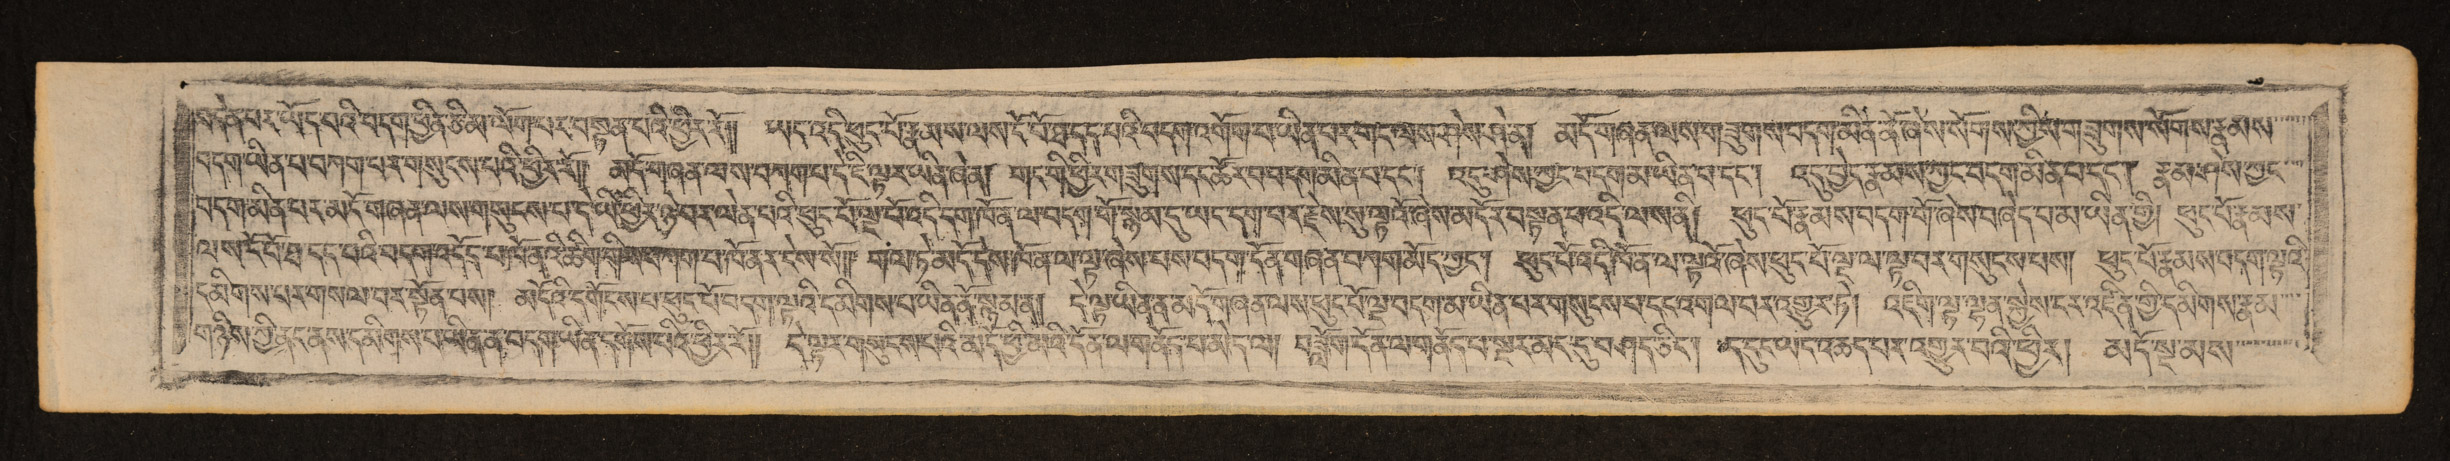བདེན་པར་ཡོད་པའི་བདག་ཕྱིན་ཅི་མ་ལོག་པར་བསྟན་པའི་ཕྱིར་རོ།། ཡང་འདི་ཕུང་པོ་རྣམས་ལས་ངོ་བོ་ཐ་དད་པའི་བདག་འགོག་པ་ཡིན་པར་གང་ལས་ཤེས་ཤེ་ན། མདོ་གཞན་ལས་གཟུགས་བདག་མིན་ནོ་ཞེས་སོགས་ཀྱིས་གཟུགས་སོགས་རྣམས་
བདག་ཡིན་པ་བཀག་པར་གསུངས་པའི་ཕྱིར་རོ།། མདོ་གཞན་ལས་བཀག་པ་དེ་ཇི་ལྟར་ཡིན་ཞེ་ན། གང་གི་ཕྱིར་གཟུགས་དང་ཚོར་བ་བདག་མིན་པ་དང་། འདུ་ཤེས་ཀྱང་བདག་མ་ཡིན་པ་དང་། འདུ་བྱེད་རྣམས་ཀྱང་བདག་མིན་པ་དང་། རྣམ་ཤེས་ཀྱང་
བདག་མིན་པར་མདོ་གཞན་ལས་གསུངས་པ་དེ་ཡི་ཕྱིར་ཉེ་བར་ལེན་པའི་ཕུང་པོ་ལྔ་པོ་འདི་དག་ཁོ་ན་ལ་བདག་གོ་སྙམ་དུ་ཡང་དག་པར་རྗེས་སུ་ལྟའོ་ཞེས་མདོར་བསྟན་པ་འདི་ལས་ནི། ཕུང་པོ་རྣམས་བདག་གོ་ཞེས་བཞེད་པ་མ་ཡིན་གྱི། ཕུང་པོ་རྣམས་
ལས་ངོ་བོ་ཐ་དད་པའི་བདག་འདོད་པ་ཁོ་ནའི་ཚིག་གིས་བཀག་པ་ཁོ་ནར་ངེས་སོ།། གལ་ཏེ་མདོ་དེས་ཁོ་ན་ལ་ལྟ་ཞེས་པས་བདག་དོན་གཞན་བཀག་མོད་ཀྱང་། ཕུང་པོ་འདི་ཁོ་ན་ལ་ལྟའོ་ཞེས་ཕུང་པོ་ལྔ་ལ་ལྟ་བར་གསུངས་པས། ཕུང་པོ་རྣམས་བདག་ལྟའི་
དམིགས་པར་གསལ་བར་སྟོན་པས། མདོའི་དགོངས་པ་ཕུང་པོ་བདག་ལྟའི་དམིགས་པ་ཡིན་ནོ་སྙམ་ན། དེ་ལྟ་ཡིན་ན་མདོ་གཞན་ལས་ཕུང་པོ་ལྔ་བདག་མ་ཡིན་པར་གསུངས་པ་དང་འགལ་བར་འགྱུར་ཏེ། འཇིག་ལྟ་ལྷན་སྐྱེས་ངར་འཛིན་གྱི་དམིགས་རྣམ་
གཉིས་ཀྱི་ནང་ནས་དམིགས་པ་ཡིན་ན་བདག་ཡིན་དགོས་པའི་ཕྱིར་རོ།། དེ་ལྟར་གསུངས་པའི་མདོ་ཕྱི་མའི་དོན་ལ་གནོད་པ་མེད་ལ། བཟློག་དོན་ལ་གནོད་པ་སྔར་མང་དུ་བཤད་ཅིང་། ད་དུང་ཡང་འཆད་པར་འགྱུར་བའི་ཕྱིར། མདོ་སྔ་མས་